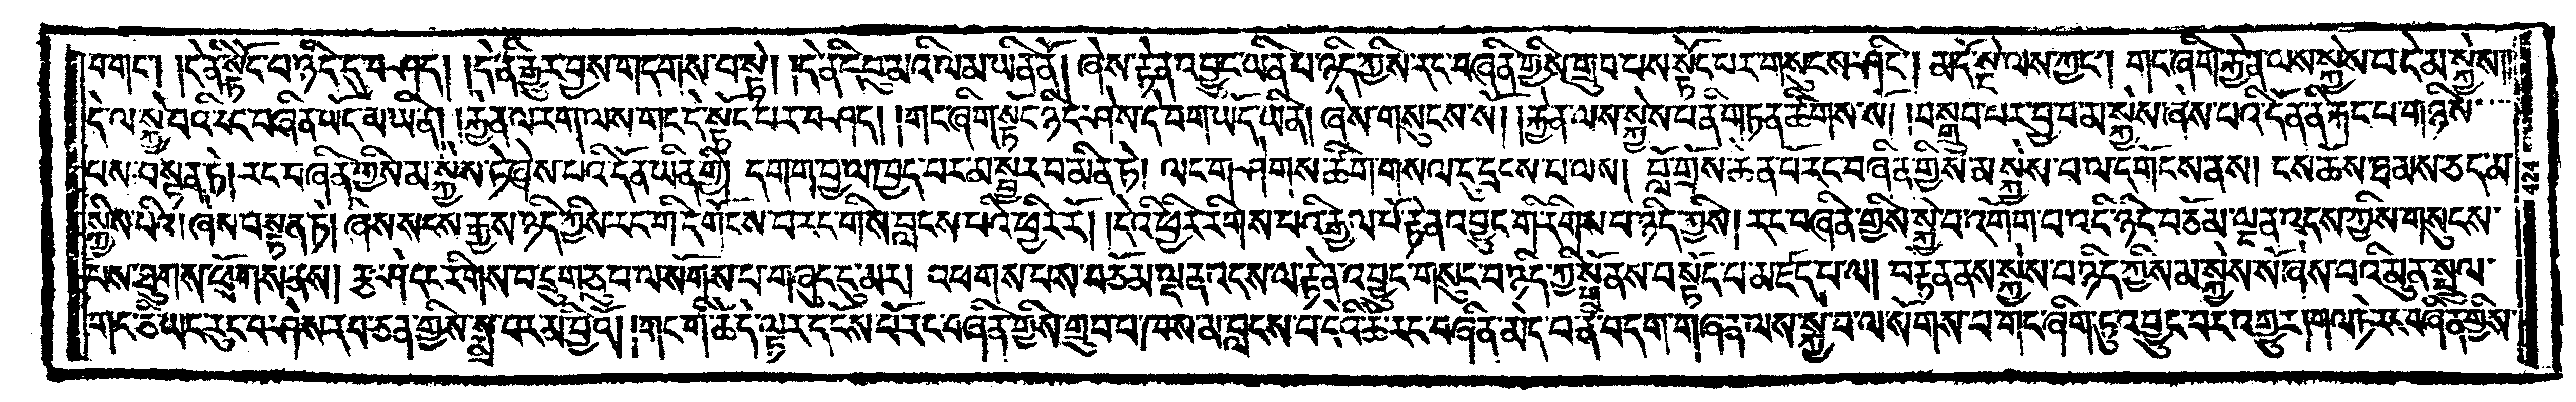བ་གང་། །དེ་ནི་སྟོང་པ་ཉིད་དུ་བཤད། །དེ་ནི་རྒྱུར་བྱས་གདགས་པ་སྟེ། །དེ་ནི་དབུ་མའི་ལམ་ཡིན་ནོ། ཞེས་རྟེན་འབྱུང་ཡིན་པ་ཉིད་ཀྱིས་རང་བཞིན་གྱིས་གྲུབ་པས་སྟོང་པར་གསུངས་ཤིང་། མདོ་སྡེ་ལས་ཀྱང་། གང་ཞིག་རྐྱེན་ལས་སྐྱེས་པ་དེ་མ་སྐྱེས།།
དེ་ལ་སྐྱེ་བའི་རང་བཞིན་ཡོད་ལ་ཡིན། །རྐྱེན་ལ་རག་ལས་གང་དེ་སྟོང་པར་བཤད། །གང་ཞིག་སྟོང་ཉིད་ཤེས་དེ་བག་ཡོད་ཡིན། ཞེས་གསུངས་སོ། །རྐྱེན་ལས་སྐྱེས་པ་ནི་གཏན་ཚིགས་སོ། །བསྒྲུབ་པར་བྱ་བ་མ་སྐྱེས་ཞེས་པའི་དོན་ནི་རྐང་པ་གཉིས་
པས་བསྟན་ཏེ། རང་བཞིན་གྱིས་མ་སྐྱེས་ཏེ་ཞེས་པའི་དོན་ཡིན་གྱི། དགག་བྱ་ལ་ཁྱད་པར་མ་སྦྱར་བ་མིན་ཏེ། ལང་གཤེགས་ཚིག་གསལ་དུ་དྲངས་པ་ལས། བློ་གྲོས་ཆེན་པོ་རང་བཞིན་གྱིས་མ་སྐྱེས་པ་ལ་དགོངས་ནས། ངས་ཆོས་ཐམས་ཅད་མ་
སྐྱེས་པའོ། །ཞེས་བསྟན་ཏེ། ཞེས་སངས་རྒྱས་ཉིད་ཀྱིས་རང་གི་དགོངས་པ་རང་གིས་བླངས་པའི་ཕྱིར་རོ། །དེའི་ཕྱིར་རིགས་པའི་རྒྱལ་པོ་རྟེན་འབྱུང་གི་རིགས་པ་ཉིད་ཀྱིས། རང་བཞིན་གྱིས་སྐྱེ་བ་འགོག་པ་འདི་ཉིད་བཅོམ་ལྡན་འདས་ཀྱིས་གསུངས་
པས་ཐུགས་ཕྲོགས་ནས། རྩ་ཤེ་དང་རིགས་པ་དྲུག་ཅུ་པ་ལ་སོགས་པ་གཞུང་དུ་མར། འཕགས་པས་བཅོམ་ལྡན་འདས་ལ་རྟེན་འབྱུང་གསུང་པ་ཉིད་ཀྱི་སྒོ་ནས་བསྟོད་པ་མཛད་པ་ལ། བརྟེན་ནས་སྐྱེས་པ་ཉིད་ཀྱིས་མ་སྐྱེས་སོ་ཞེས་པའི་མུན་སྤྲུལ་
གང་ཅི་ཡང་རུང་བ་ཤེས་རབ་ཅན་གྱིས་སྨྲ་བར་མི་བྱའོ། །གང་གི་ཚེ་དེ་ལྟར་དངོས་པོ་རང་བཞིན་གྱིས་གྲུབ་པ་ཁས་མ་བླངས་པ་དེའི་ཚེ་རང་བཞིན་མེད་པ་ནི་བདག་གཞན་ལས་སྐྱེ་བ་ལ་སོགས་པ་གང་ཞིག་ཏུ་འབྱུང་བར་འགྱུར། གལ་ཏེ་རང་བཞིན་གྱིས་